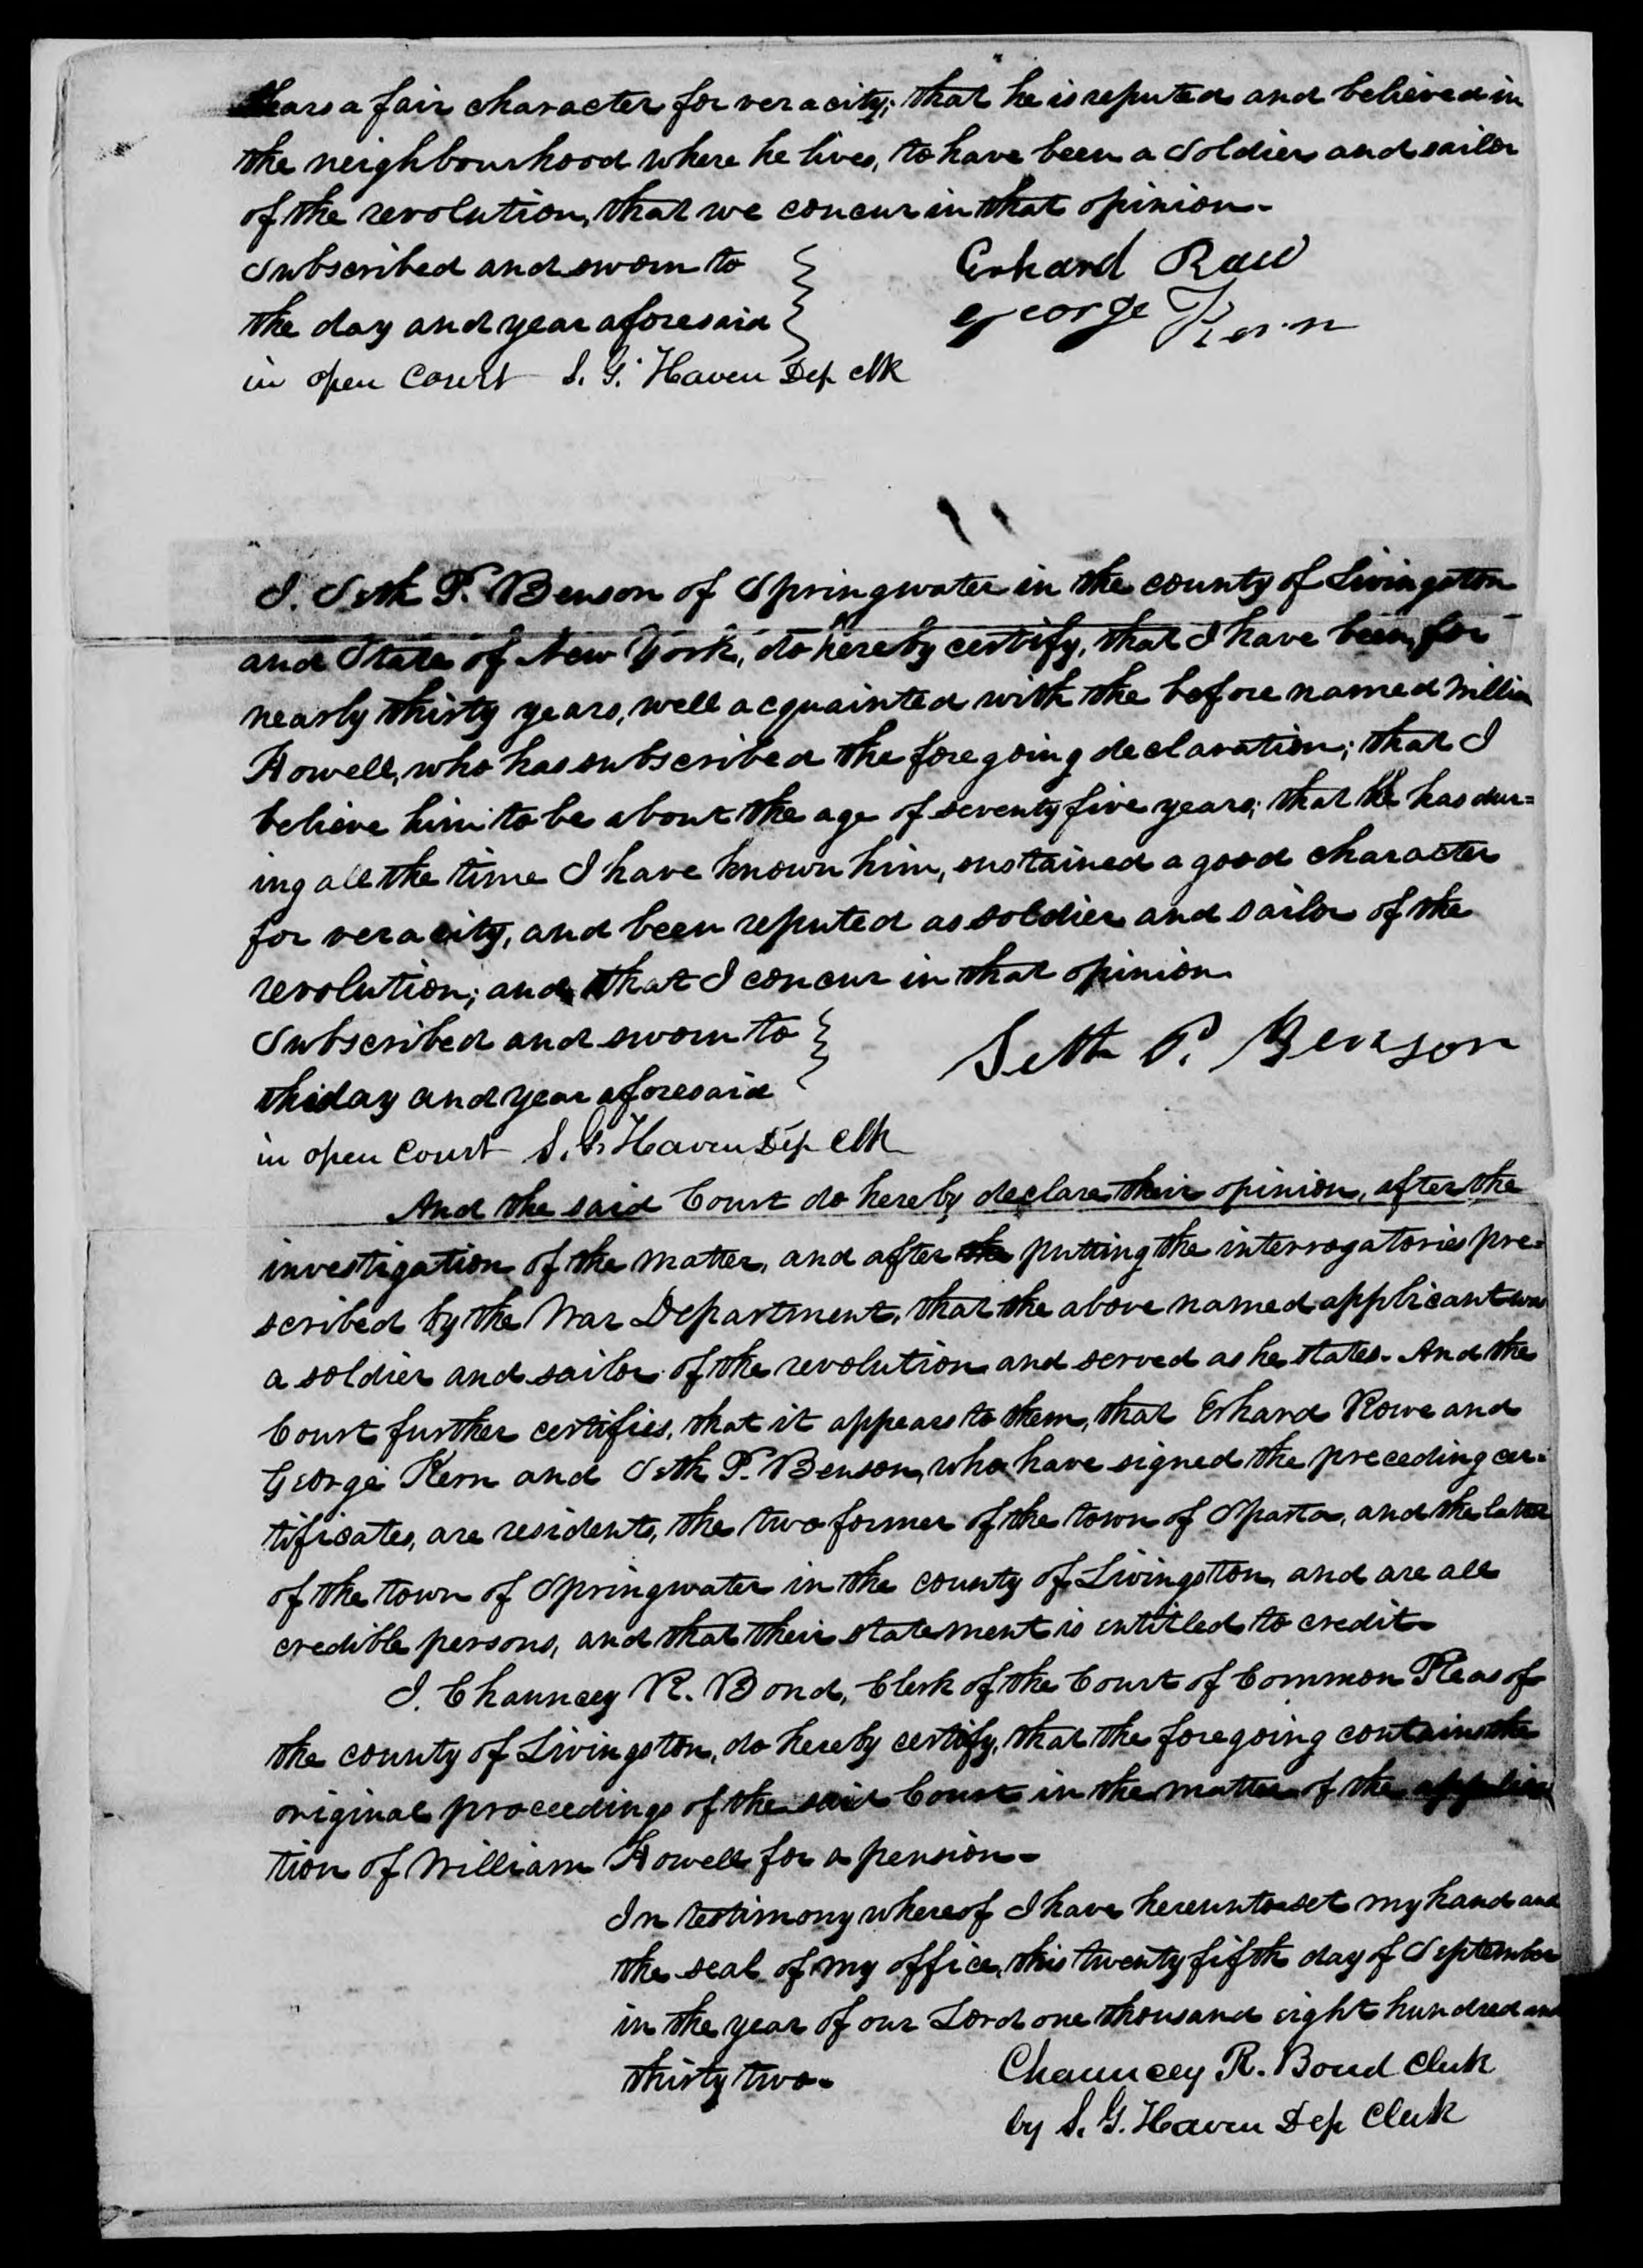bears a fair character for veracity; that he is reputed and believed in the neighbourhood where he lives, to have been a soldier and sailor of the revolution, that we concur in that opinion.

Subscribed and sworn to 
The day and year aforesaid
In open court S.G. Haven Dep Clk
(signature) Erhard Rowe
(signature) George Kern

I, Seth P. Benson of Springwater in the county of Livingston and State of New York, do hereby certify, that I have been for nearly thirty years, well acquainted with the before named William Howell, who has subscribed the foregoing declaration; that I believe him to be about the age of seventy five years old; that he has during all the time I have known him, sustained a good character for veracity, and been reputed as soldier and sailor of the revolution; and that I concur in that opinion.

Subscribed and sworn to 
The day and year aforesaid
In open court S.G. Haven Dep Clk
(signature) Seth P. Benson

And the said court do herby declare their opinion, after the investigation of the matter, and after putting the interrogatories prescribed by the War Department, that the above named applicant was a solider and sailor of the revolution and served as he states.  And the Court further certifies, that it appears to them, that Erhard Rowe and George Kern and Seth P. Benson, who have signed the proceeding certificates, are residents, the two former of the town of Sparta and the latter of the town of Springwater in the county of Livingston, and are all credible persons, and that their statement is entitled to credit.  

I, Chauncey R. Bond, Clerk of the Court of Common Pleas of the County of Livingston, do hereby certify that the foregoing contains the original proceedings of the said Court in the matter of the application of William Howell for a pension.  

In testimony whereof I hereunto set my hand and the seal of my office, this twenty fifth day of September in the year of our Lord one thousand eight hundred and thirty two.  

Chauncey R. Bond Clerk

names: Erhard Raw, S G Haven, Chauncy R Bond, William Howell, George Kern, Seth P Benson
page: 6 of 18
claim: survivor's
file: S. 18,039, William Howell, Conn. Sea Service Mass. And Mass. Sea Service Privateer